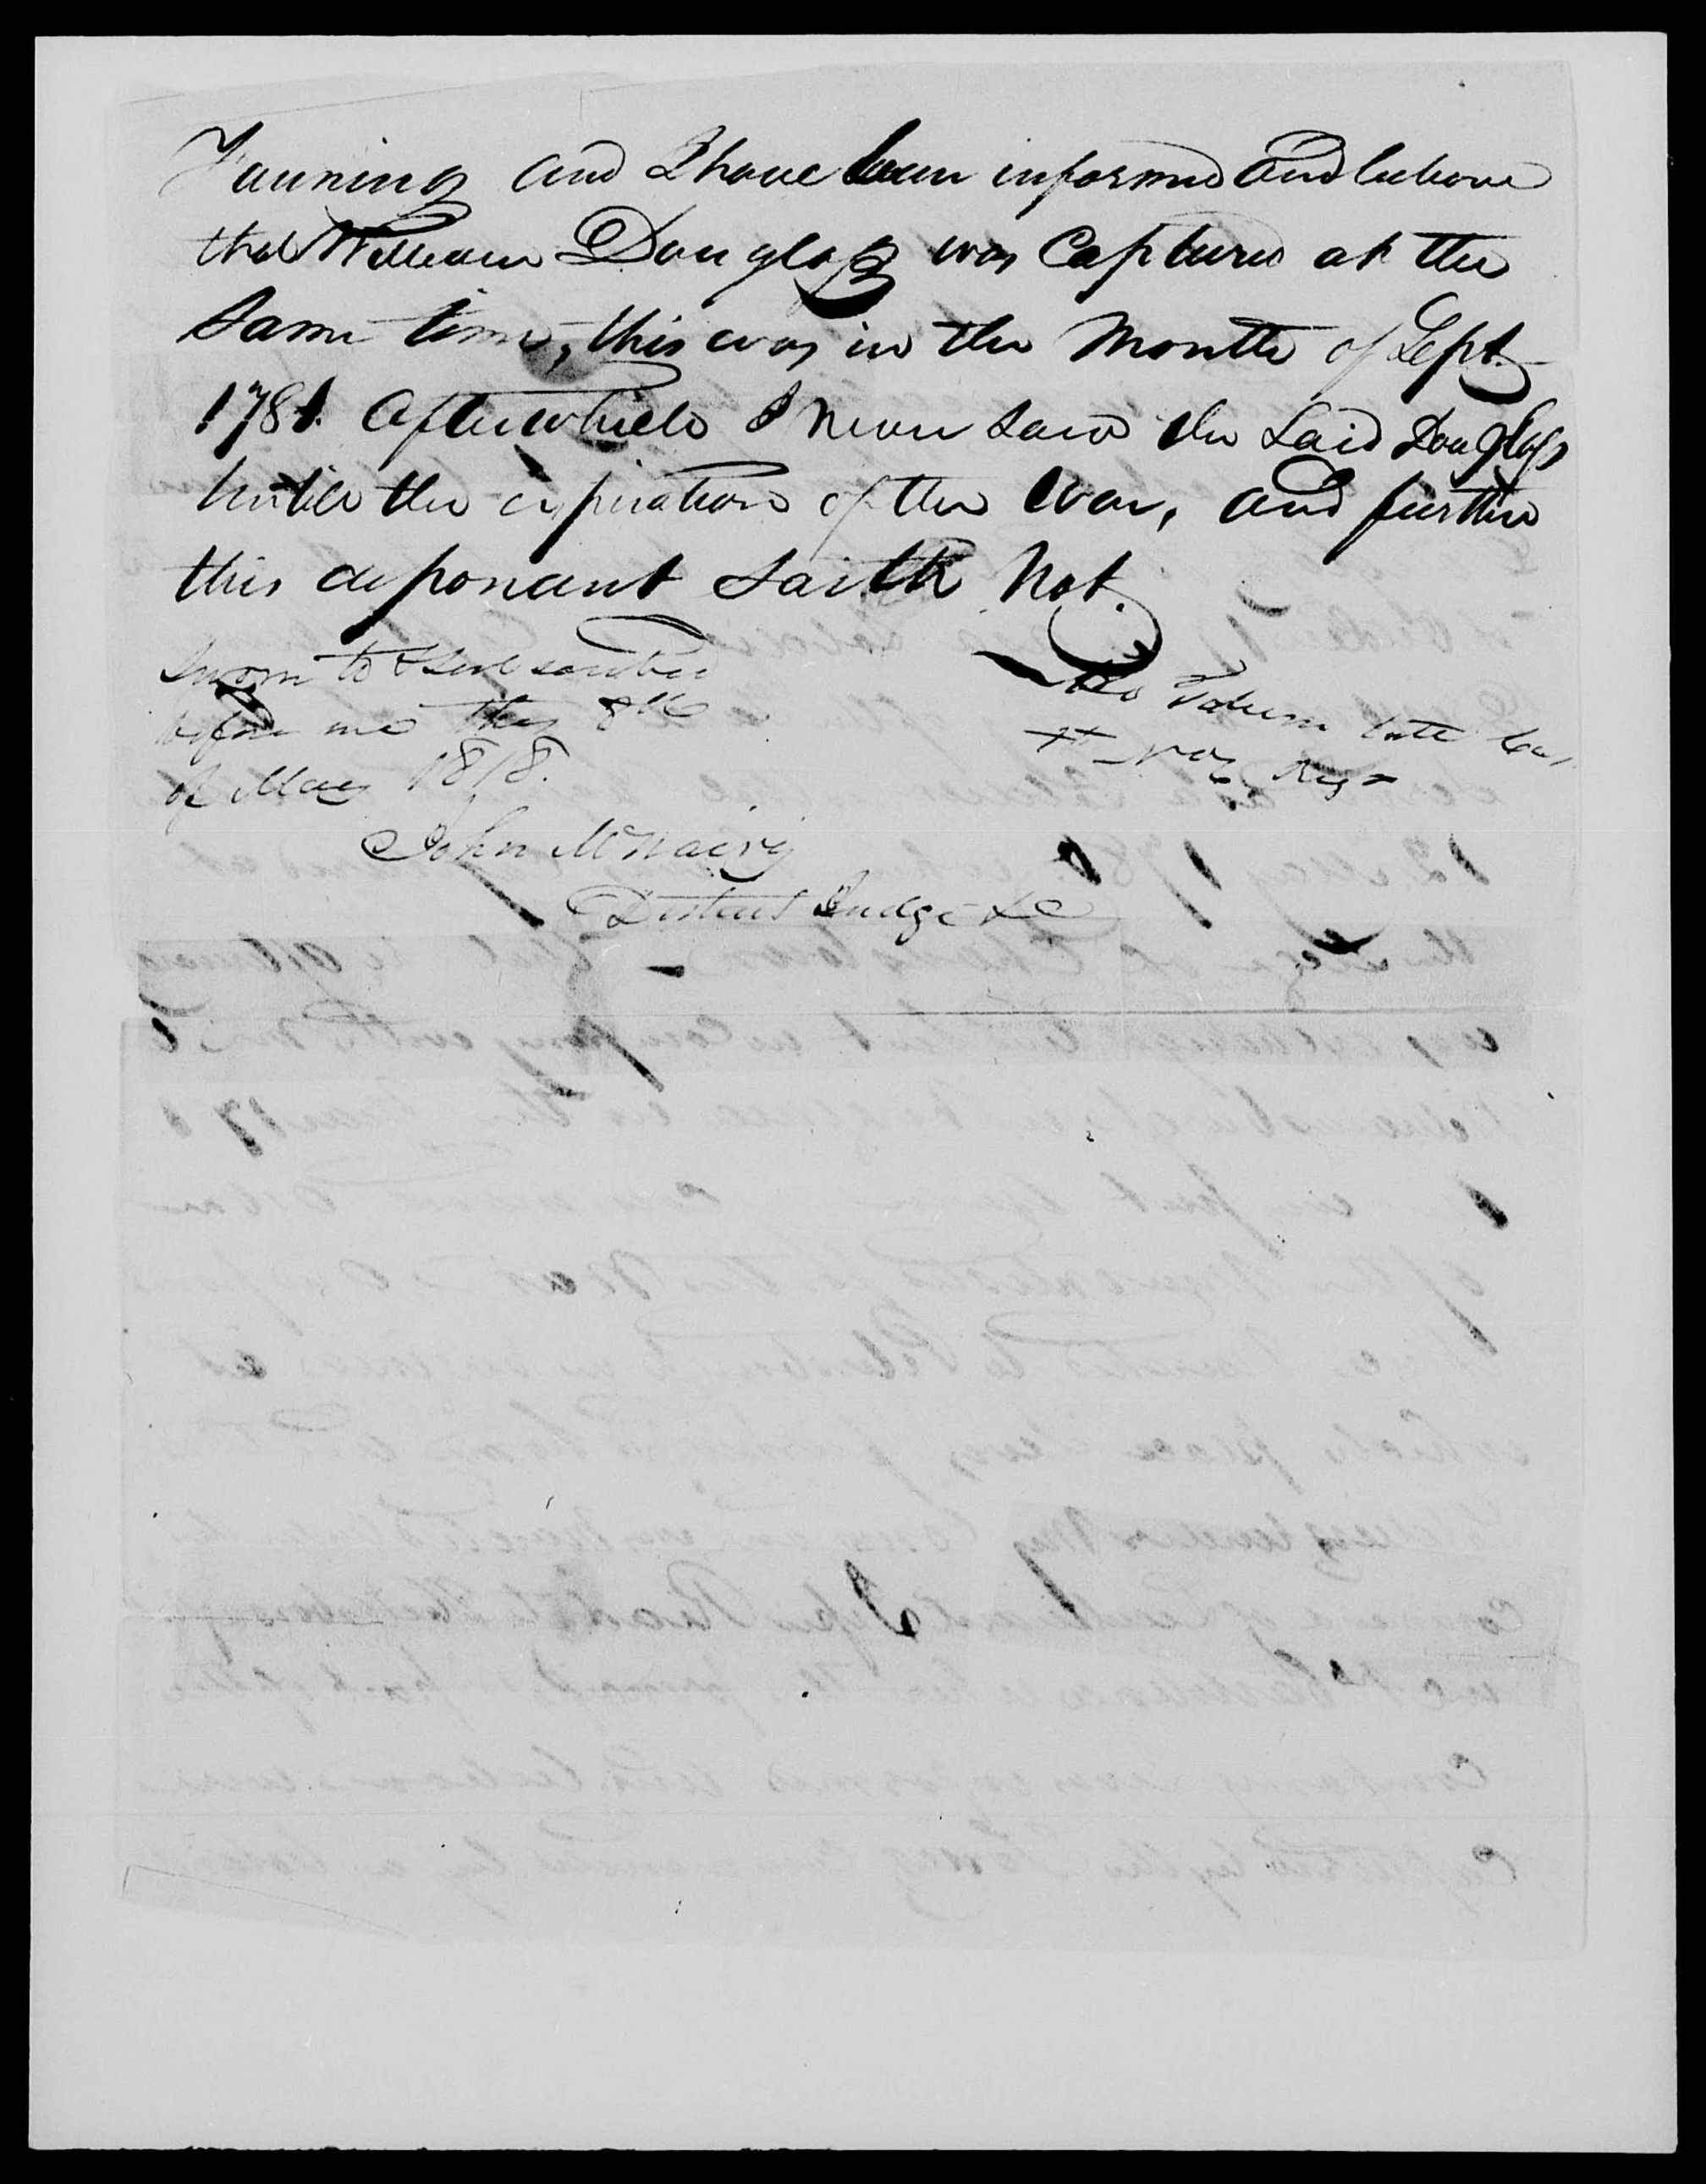[handwritten]

Touring and I have been informed and believe
that William Douglass was captured at the same
time, this was in the month of Sept
1781 after which I never saw the said Douglass untill [sic]
the expiration of the War, and further
this deponant [sic] saith not
Sworn to & subscribed before me on the 8th of May 1818.
John McNairy District Judge &c
[illegible]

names: John Mc Nairy, Douglass, William Douglass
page: 5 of 7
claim: survivor's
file: S. 38667, William Douglass, N.C.